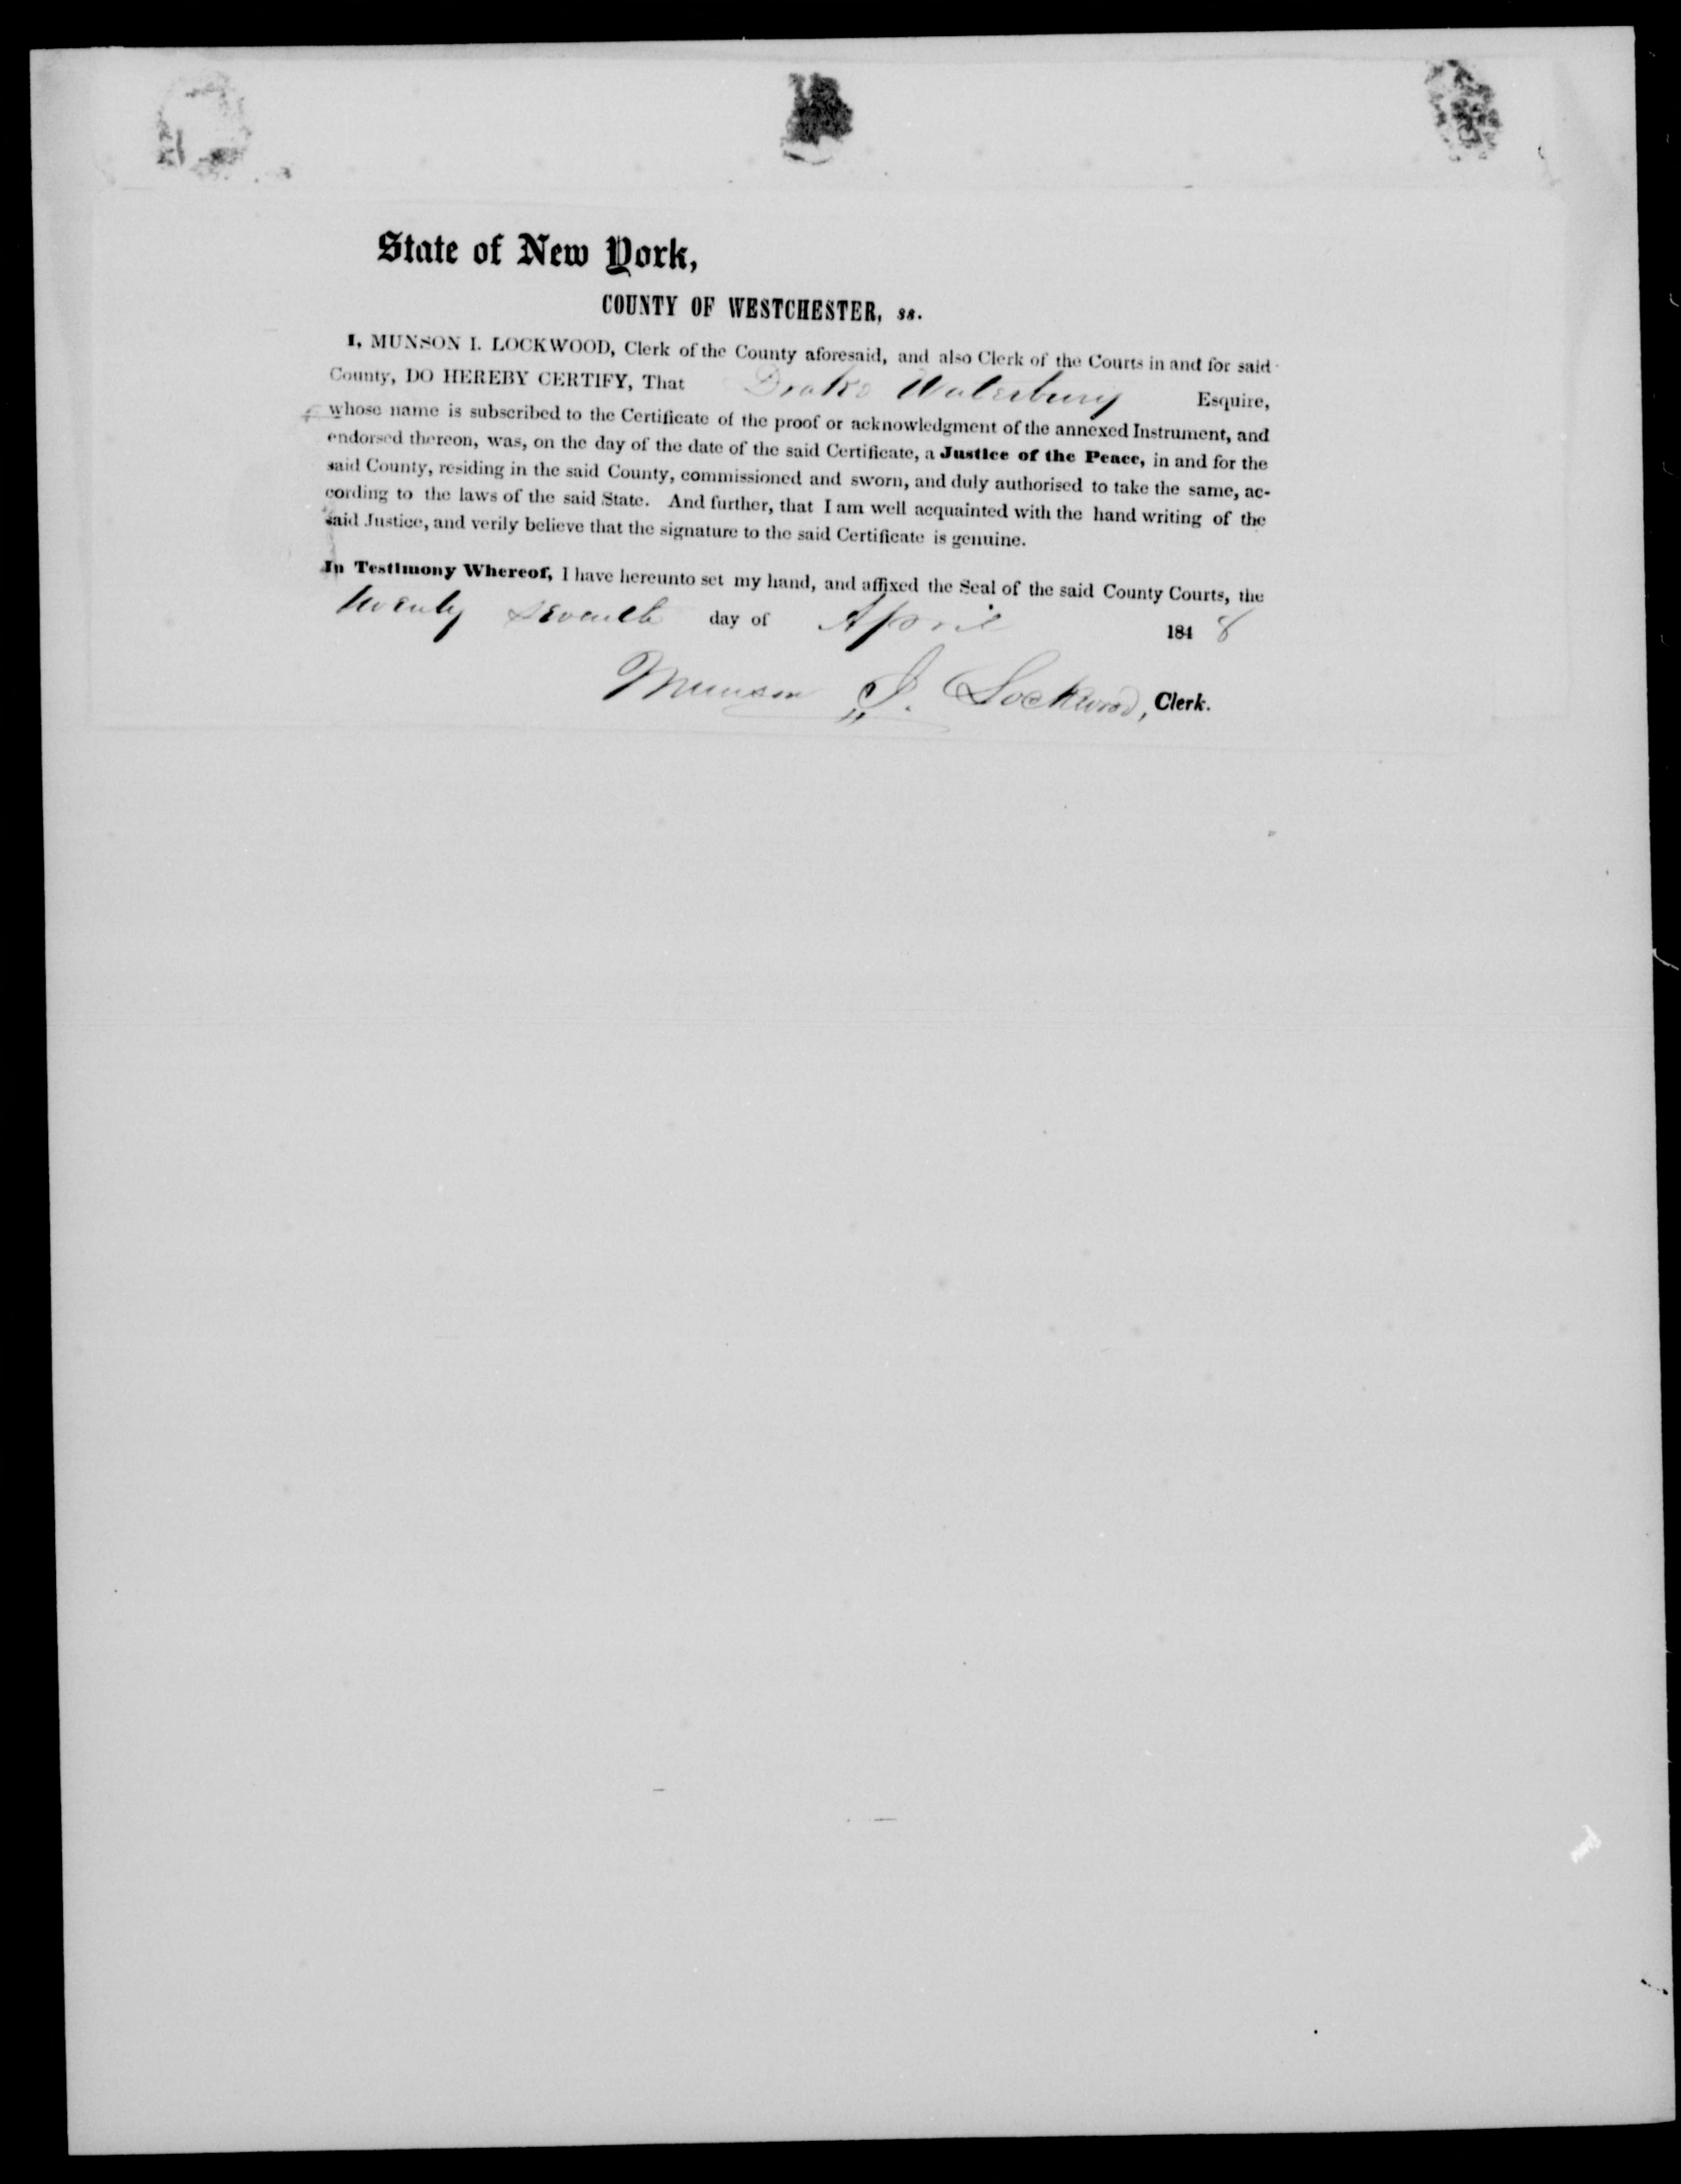State of New York, County of Westchester, ss.
I, Munson I. Lockwood, Clerk of the County aforesaid and also Clerk of the Courts in and for said County, Do Hereby Certify, That Drake Waterbury Esquire. whose name is subscribed to the Certificate of the proof or acknowledgement of the annexed Instrument, and endorsed thereon, was, on the day of the date of the said certificate, a Justice of the Peace in and for the said County, residing in the said County, commissioned and sworn, and duly authorised to take the same, according to the laws of the said State. And, further, that I am well acquainted with the handwriting of the said Justice and verily believe that the signature to the said Certificate is genuine.

In Testimony Whereof, I have hereunto set my hand, and affixed the Seal of the said County Courts, the twenty seventh day of April 1848
Munson I. Lockwood Clerk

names: Drake Waterbury; Munson I Lockwood; Munson I Lockwood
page: 54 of 77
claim: survivor's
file: S. 23003, for Silas Southerland, New York